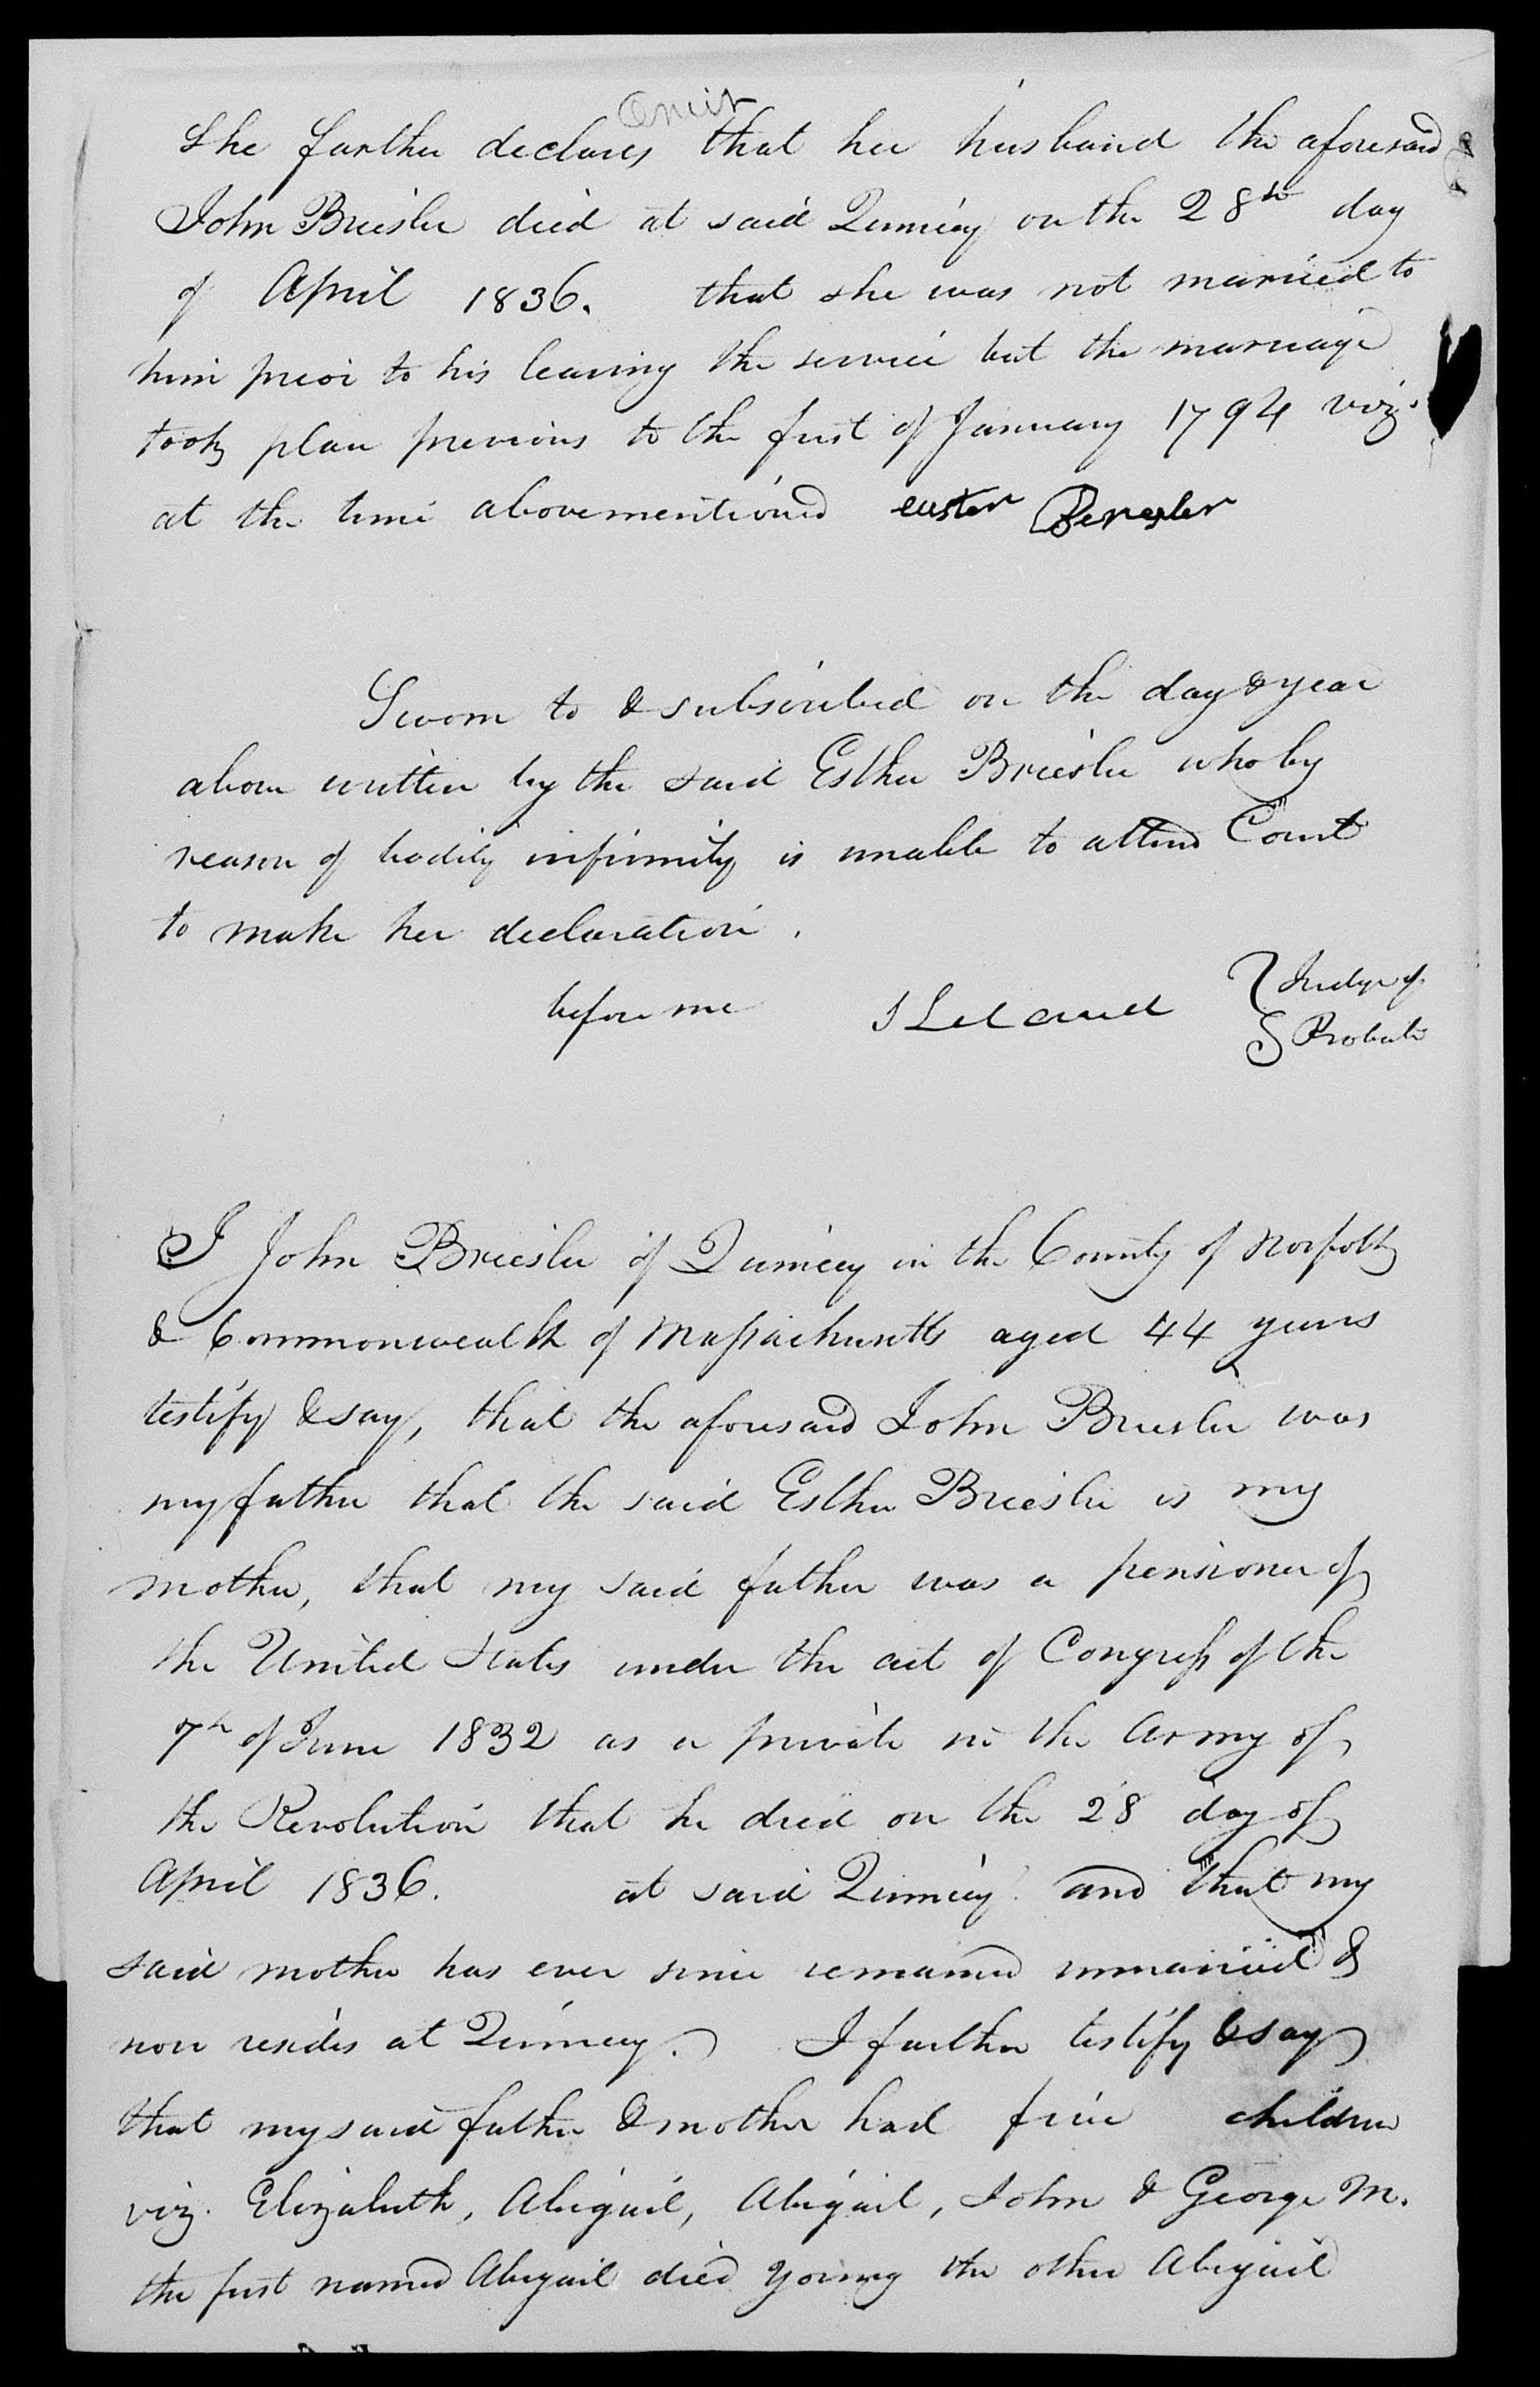She further declares that her husband the aforesaid John Brisler died at said Quincey on the 28th day of April 1836, that she was not married to him prior to his leaving the service but the marriage took pace previous to the first of January 1796 viz. at the time abovementioned.  Esther Brisler 
Sworn to & subscribed on the day & year above written by the said Esther Brisler who by reason of body infirmity is unable to attend Court to make her declaration.  before me L Leland Judge of Probate
I john Brisler of Quincey in the County of Norfolk & commonwealth of Massachusetts aged 44 years testify & say, that the aforesaid John Brisler was my father that the said Esther Brisler is my mother, that my said father was a pensioner of the United States under the Act of Congress of the 7th of June 1832 as a private in the Army of the Revolution that he dies on the 28th day of April 1836 at said Quincey and that said mother has ever since remained unmarried & now resides at Quincey.  I further testify & say that my father & mother had three children, viz. Elizabeth, Abigail, Abigail, John & George  and the first Abigail died young  the other Abigail [illegible]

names: Abigail, John Briesler, Esther Briesler, Abigail, Abigail, S Leland, George M, Abigail, Young, Elizabeth, Esther Briesler, John Briesler, Easter Beresler, John, John Briesler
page: 7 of 46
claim: widow's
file: W. 23,673, John Brisler, Mass.